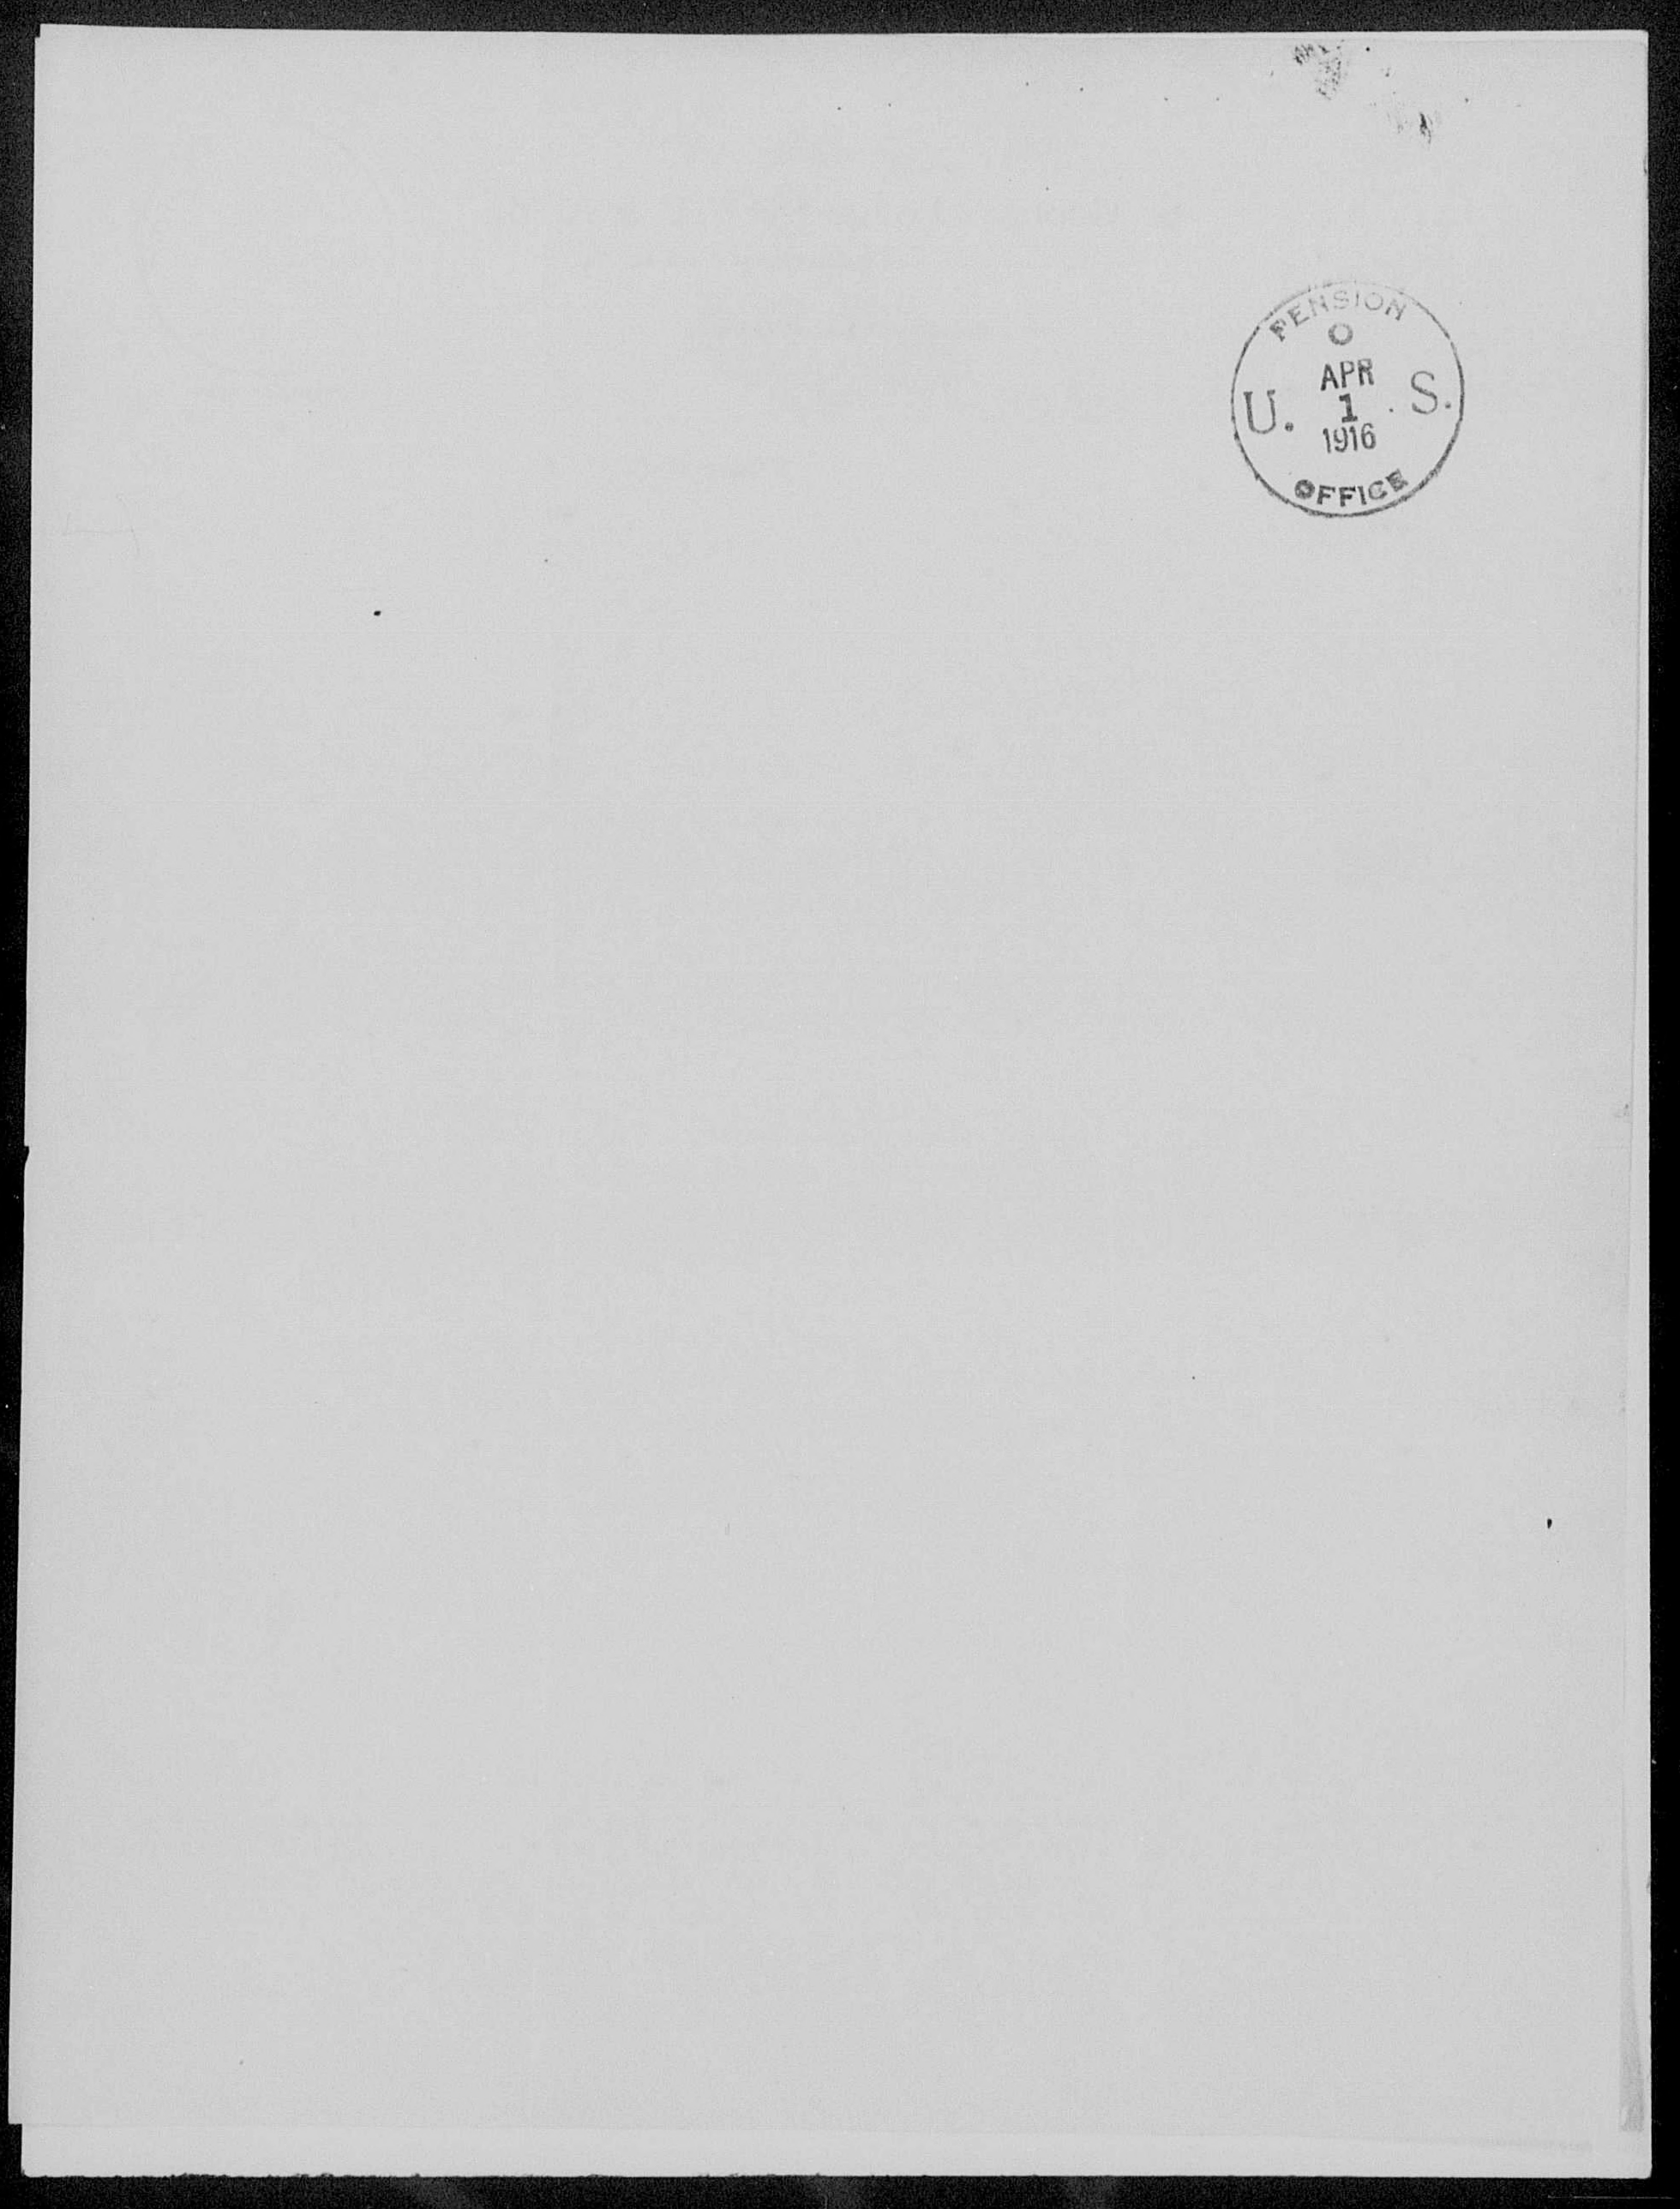[Imprint of stamp]
PENSION O APR 1 1916 U.S. OFFICE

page: 35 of 56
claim: survivor's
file: S. 40,055, Samuel Downing, N.H.